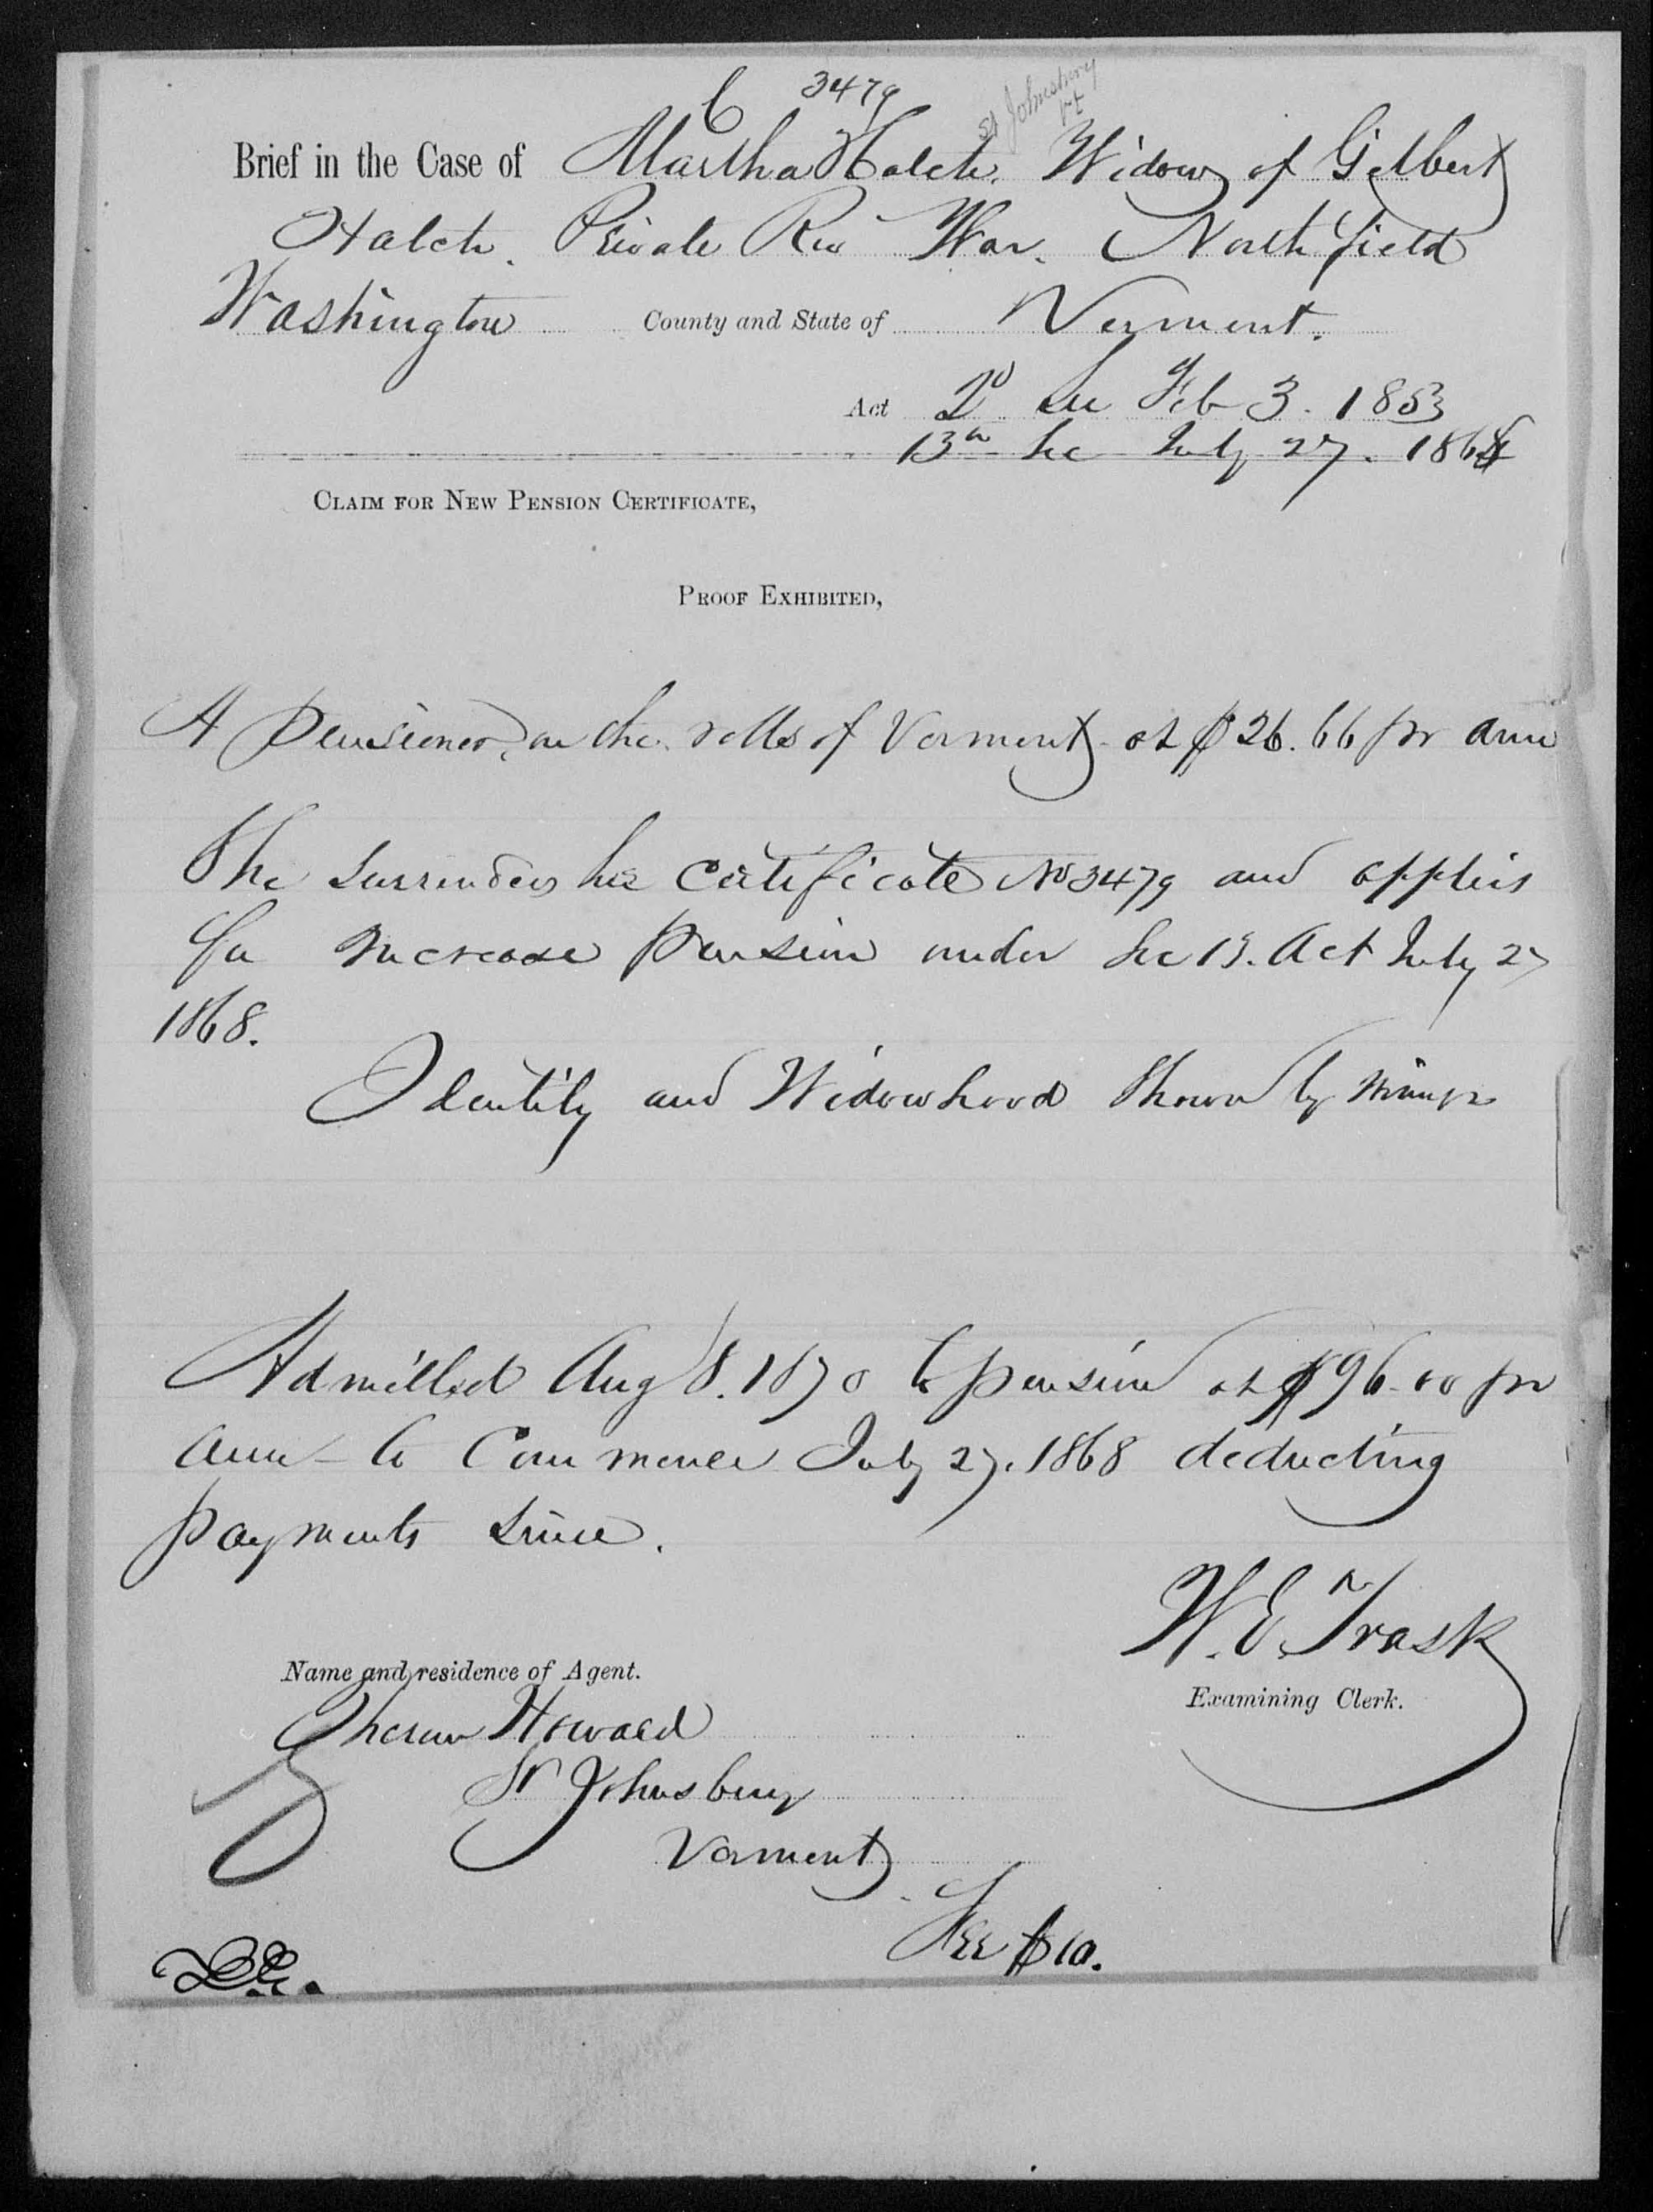C 3479         St. Johnsbury Vt

Brief in the Case of Martha Hatch, Widow of Gilbert Hatch, Private Rev War. Northfield Washington County and State of Vermont.
Act 2d [illegible] Feb 3, 1853
13th [illegible] July 27, 1864

Claim for New Pension Certificate,

Proof Exhibited,

A Pensioner, in the rolls of Vermont, at $26.66 per ann 

She surrenders his certificate No. 3479 and applies for increase pension under Sec 13. Act July 27 1868.

Identity and Widowhood Shown by [illegible]

Admitted Aug 8, 1870 to pension at $96.00 per ann to commence July 27, 1868 deducting payments since.

W.E. Trask
Examining Clerk.

Name and residence of Agent.
Theran Howard
So Johnsbury
Vermont
Fee $10.

[initials illegible]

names: Gilbert Hatch, Martha Hatch, Theran Howard, W E Trask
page: 34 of 47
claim: widow's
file: W. 225, Gilbert Hatch, Conn.